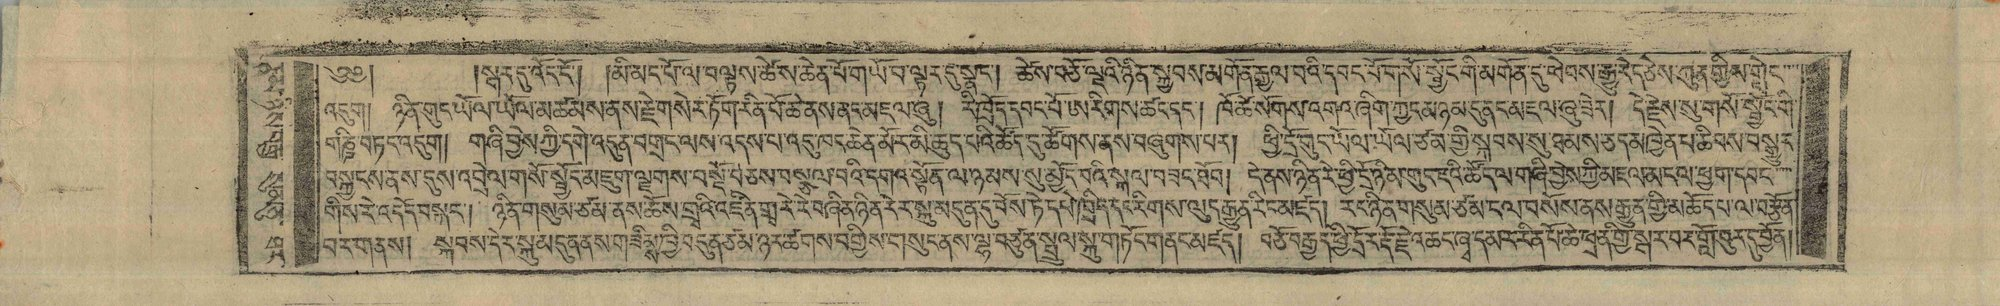༄༅། །སྒར་དུ་འོང་ངོ། །མི་མང་པོ་ལ་བལྟས་ཚེས་ཆེན་པོ་གཡོ་བ་ལྟར་དུ་སྣང་། ཚེས་བཅོ་ལྔའི་ཉིན་སྐྱབས་མགོན་རྒྱལ་བའི་དབང་པོ་གསོ་སྦྱོང་གི་མགོན་དུ་ཕེབས་རྒྱུ་རེད་ཅེས་ཀུན་གྱིས་གླེང་
འདུག །ཉིན་གུང་ཡོལ་ཡོལ་མཚམས་ནས་རྗེ་གསེར་ཏོག་རིན་པོ་ཆེ་ནས་ནང་མཇལ་ཞུ། རི་ཁྲོད་དབང་པོ་ཨ་རིགས་ཚང་དང་། ཁོ་ཚེ་སོགས་འགའ་ཞིག་ཀྱང་མཉམ་དུ་ནང་མཇལ་ཞུ་ཟེར། དེ་རྗེས་སུ་གསོ་སྦྱོང་གི་
གཎྜི་བཏང་འདུག །གཞི་བྱེས་ཀྱི་དགེ་འདུན་བགྲང་ལས་འདས་པ་འདུ་ཁང་ཆེན་མོར་མི་ཆུད་པའི་ཚོད་དུ་ཚོགས་ནས་བཞུགས་པར། ཕྱི་དྲོ་གུང་ཡོལ་ཡོལ་ཙམ་གྱི་སྐབས་སུ་ཐམས་ཅད་མཁྱེན་པ་ཆིབས་བསྒྱུར་
བསྐྱངས་ནས་དུས་འབྲེལ་གསོ་སྦྱོང་མཇུག་ལྗགས་བསྔོ་བཅས་བསྩལ་བའི་དགའ་སྟོན་ལ་ཉམས་སུ་མྱོང་བའི་སྐལ་བཟང་ཐོབ། དེ་ནས་ཉིན་རེ་ཕྱི་དྲོ་ཉི་མ་གུང་ཇའི་ཚོད་ལ་གཞི་བྱེས་ཀྱི་མཇལ་མངལ་ཕྱག་དབང་
གིས་རེ་འདོད་བསྐང་། ཉིན་གསུམ་ཙམ་ནས་ཆོས་གྲྭའི་འཛིན་གྲྭ་རེ་རེ་བཞིན་ཉིན་རེར་སྐུ་མདུན་དུ་བོས་ཏེ་དཔེ་ཁྲིད་དང་རིགས་ལུང་རྒྱུན་རིང་མཛད། རང་ཉིན་གསུམ་ཙམ་ངལ་བསོས་ནས་རྒྱུན་གྱི་མཆོད་པ་ལ་བརྩོན་
བར་གནས། སྐབས་དེར་སྐུ་མདུན་ནས་གཟིམས་ཁྱི་བདུན་ཙམ་ཉར་ཚགས་བགྱིས་གསུང་ནས་ལྷ་བཙུན་སྤྲུལ་སྐུ་གཏོང་གནང་མཛད། བཅོ་བརྒྱད་ཕྱི་དྲོར་རྡོ་རྗེ་འཆང་ཞྭ་དམར་རིན་པོ་ཆེ་ཕྲན་གྱི་སྒར་བར་གློ་བུར་དུ་བྱོན།